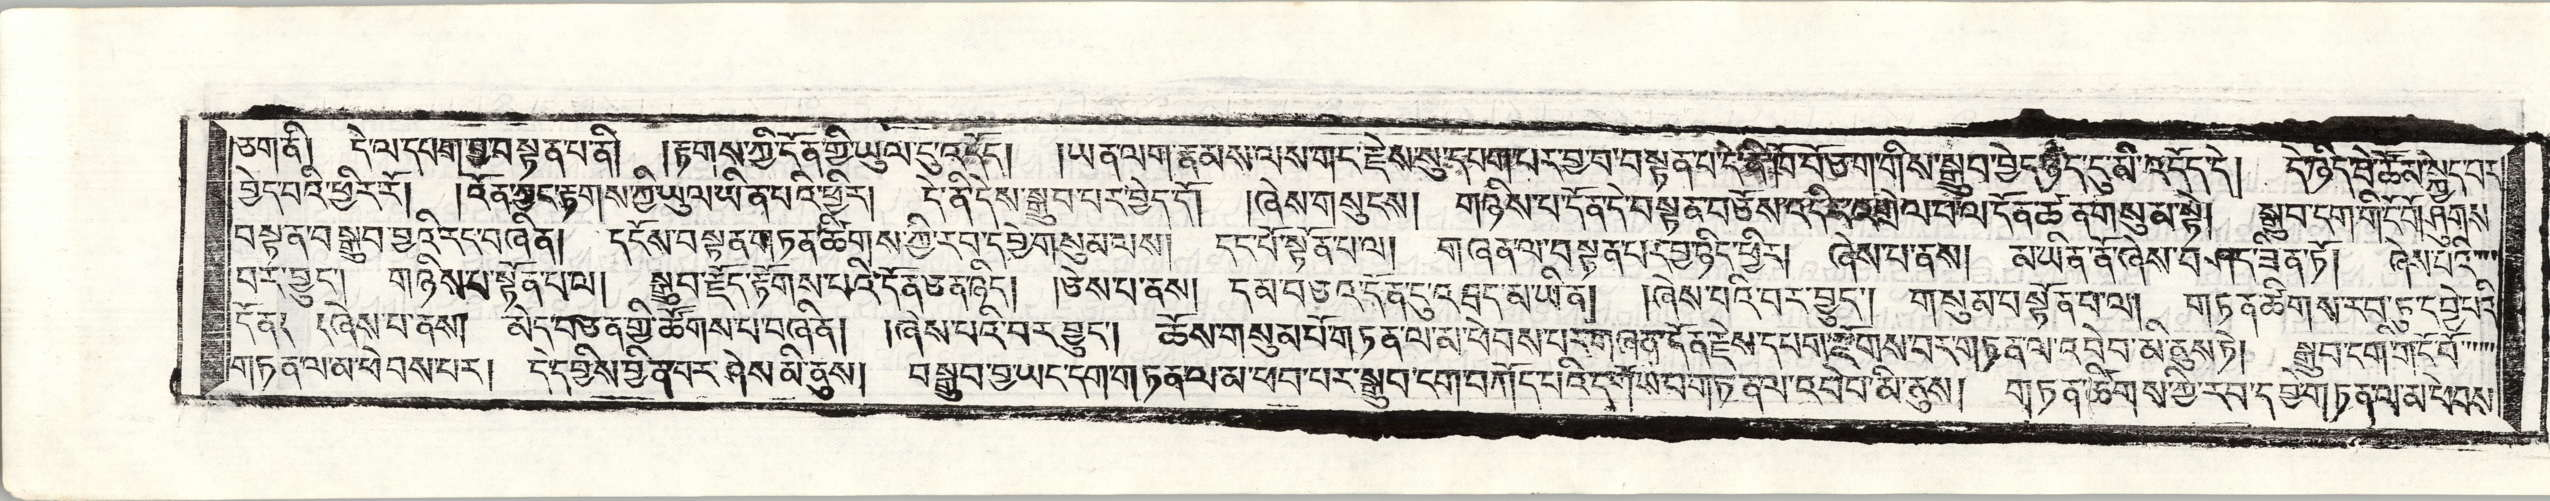ཅག་ནི། དེ་ལ་དཔག་བྱ་བསྟན་པ་ནི། །རྟགས་ཀྱི་དོན་གྱི་ཡུལ་དུ་འདོད། ཡན་ལག་རྣམས་ལས་གང་རྗེས་སུ་དཔག་པར་བྱ་བ་བསྟན་པ་དེ་ནི་ཁོ་བོ་ཅག་གིས་སྒྲུབ་བྱེད་ཉིད་དུ་མི་འདོད་དེ། དེ་ཉིད་ཐེ་ཚོམ་སྐྱེད་པར་བྱེད་པའི་ཕྱིར་རོ། །འོན་ཀྱང་
རྟགས་ཀྱི་ཡུལ་ཡིན་པའི་ཕྱིར། དེ་ནི་དེས་སྒྲུབ་པར་བྱེད་དོ། ཞེས་གསུངས། གཉིས་པ་དོན་དེ་བསྟན་བཅོས་འདིར་འགྲེལ་བ་ལ་དོན་ཚན་གསུམ་སྟེ། སྒྲུབ་ངག་གི་ངོ་བོ། ཤུགས་བསྟན་བསྒྲུབ་བྱའི་རང་བཞིན། དངོས་བསྟན་གཏན་ཚིགས་ཀྱི་རབ་དབྱེ་
གསུམ་ལས། དང་པོ་སྟོན་པ་ལ། གཞན་ལ་བསྟན་པར་བྱ་ཉིད་ཕྱིར། ཞེས་པ་ནས། མ་ཡིན་ནོ་ཞེས་བཤད་ཟིན་ཏོ། ཞེས་པའི་བར་བྱུང་། གཉིས་སྟོན་པ་ལ། སྒྲུབ་རྗོད་རྟོགས་པའི་དོན་ཅན་ཉིད། ཅེས་པ་ནས། །དམ་བཅའ་དོན་དུ་འཐད་མ་ཡིན། ཞེས་པའི་བར་བྱུང་། གསུམ་པ་སྟོན་པ་ལ། གཏན་ཚིགས་རབ་ཏུ་དབྱེ་བའི་དོན། ཞེས་པ་ནས། མེད་པ་ཅན་གྱི་ཚོགས་པ་བཞིན། ཞེས་པའི་བར་བྱུང་། ཆོས་གསུམ་པོ་གཏན་ལ་མ་ཕབ་པར་གཞན་དོན་རྗེས་དཔག་རྫོགས་
པར་གཏན་ལ་འབེབ་མི་ནུས་ཏེ། སྒྲུབ་ངག་གི་ངོ་བོ་གཏན་ལ་མ་ཕེབས་པར། དེ་དཔྱིས་བྱིན་པར་ཤེས་མི་ནུས། བསྒྲུབ་བྱ་ཡང་དག་གཏན་ལ་མ་ཕབ་པར་སྒྲུབ་ངག་བཀོད་པའི་དགོས་པ་གཏན་ལ་འབེབ་མི་ནུས། གཏན་ཚིགས་ཀྱི་རབ་དབྱེ་གཏན་ལ་
མ་ཕབ་